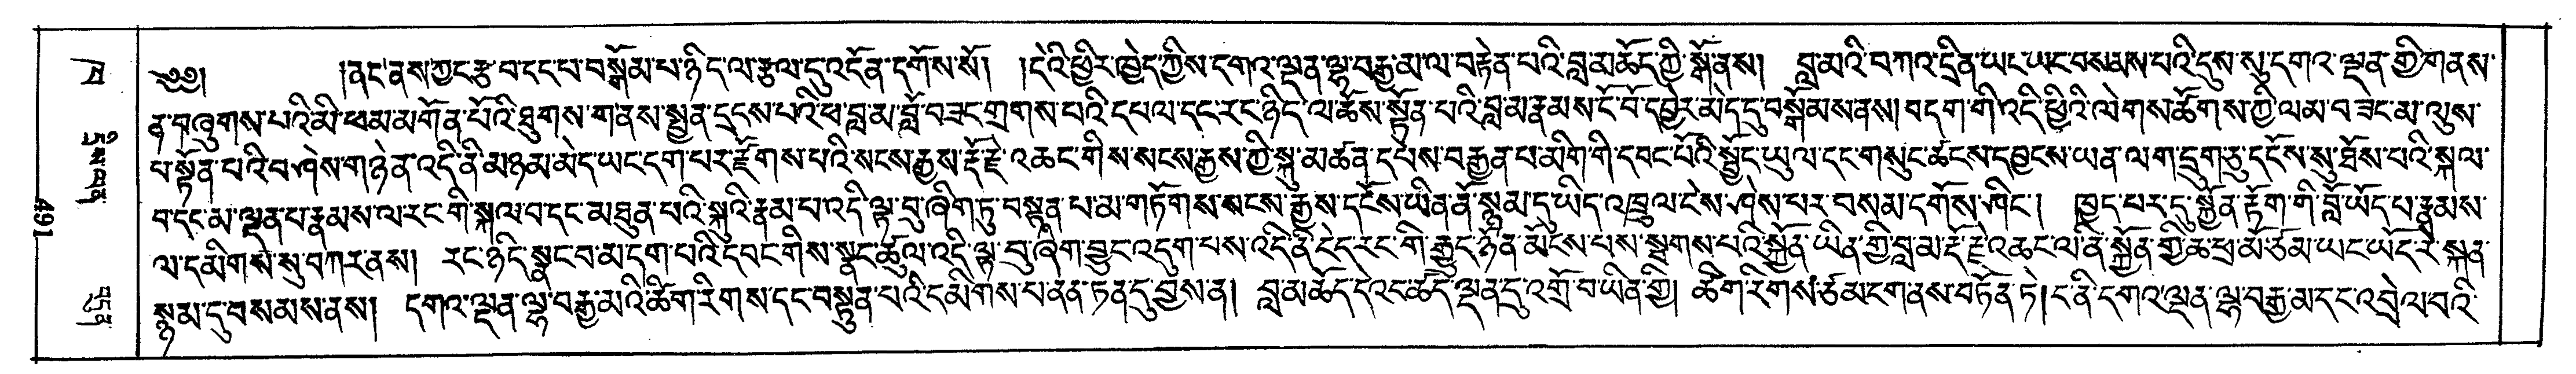༄༅། །ནང་ནས་ཀྱང་རྩ་བ་དང་པ་བསྒོམ་པ་ཉིད་ལ་རྩལ་དུ་འདོན་དགོས་སོ། །དེའི་ཕྱིར་ཁྱེད་ཀྱིས་དགའ་ལྡན་ལྷ་བརྒྱ་མ་ལ་བརྟེན་པའི་བླ་མ་མཆོད་ཀྱི་སྒོ་ནས། བླ་མའི་བཀའ་དྲིན་ཡང་ཡང་བསམས་པའི་དུས་སུ་དགའ་ལྡན་གྱི་གནས་
ན་བཞུགས་པའི་མི་པམ་མགོན་པོའི་ཐུགས་ཀ་ནས་སྤྱན་དྲངས་པའི་ཕ་བླ་མ་བློ་བཟང་གྲགས་པའི་དཔལ་དང་རང་ཉིད་ལ་ཆོས་སྟོན་པའི་བླ་མ་རྣམས་ངོ་བོ་དབྱེར་མེད་དུ་བསྒོམས་ནས། བདག་གི་འདི་ཕྱིའི་ལེགས་ཚོགས་ཀྱི་ལམ་བཟང་མ་ལུས་
པ་སྟོན་པའི་བཤེས་གཉེན་འདི་ནི་མཉམ་མེད་ཡང་དག་པར་རྫོགས་པའི་སངས་རྒྱས་རྡོ་རྗེ་འཆང་གིས་སངས་རྒྱས་ཀྱི་སྐུ་མཚན་དཔེས་བརྒྱན་པ་མིག་གི་དབང་པོའི་སྦྱོད་ཡུལ་དང་གསུང་ཚིངས་དབྱངས་ཡན་ལག་དྲུག་ཅུ་དངོས་སུ་ཐོས་པའི་སྐལ་
བ་དང་མི་ལྡན་པ་རྣམས་ལ་རང་གི་སྐལ་པ་དང་མཐུན་པའི་སྐུའི་རྣམ་པ་འདི་ལྟ་བུ་ཞིག་ཏུ་བསྟན་པ་མ་གཏོགས་སངས་རྒྱས་དངོས་ཡིན་ནོ་སྙམ་དུ་ཡིད་འཁུལ་དེས་ཤེས་པར་བསམ་དགོས་ཤིང་། ཁྱད་པར་དུ་སྐྱོན་རྟོག་གི་བློ་ཡོད་པ་རྣམས་
ལ་དམིགས་སུ་བཀར་ནས། རང་ཉིད་སྣང་བ་མ་དག་པའི་དབང་གིས་སྣད་ཚུལ་འདི་ལྟ་བུ་ཞིག་བྱུང་འདུག་པས་འདི་ནི་དེད་རང་གི་རྒྱུད་ཉོན་མོངས་པས་སྤགས་པའི་སྐྱོན་ཡིན་གྱི་བླ་མ་རྡོ་རྗེ་འཆང་ལ་ནི་སྐྱོན་གྱི་ཆ་ཕྲ་མོ་ཙམ་ཡང་ཡོད་རེ་སྐན་
སྙམ་དུ་བསམས་ནས། དགའ་ལྡན་ལྷ་བརྒྱ་མའི་ཚིག་རིགས་དང་བསྟུན་པའི་དམིགས་པ་ནན་ཏན་དུ་བྱས་ན། བླ་མཆོད་དེའང་ཚད་ལྡན་དུ་འགྲོ་བ་ཡིན་གྱི། ཆིག་རིགས་ཙམ་ངག་ནས་བཏོན་ཏེ། ང་ནི་དགའ་ལྡན་ལྷ་བརྒྱ་མ་དང་འབྲེལ་བའི་